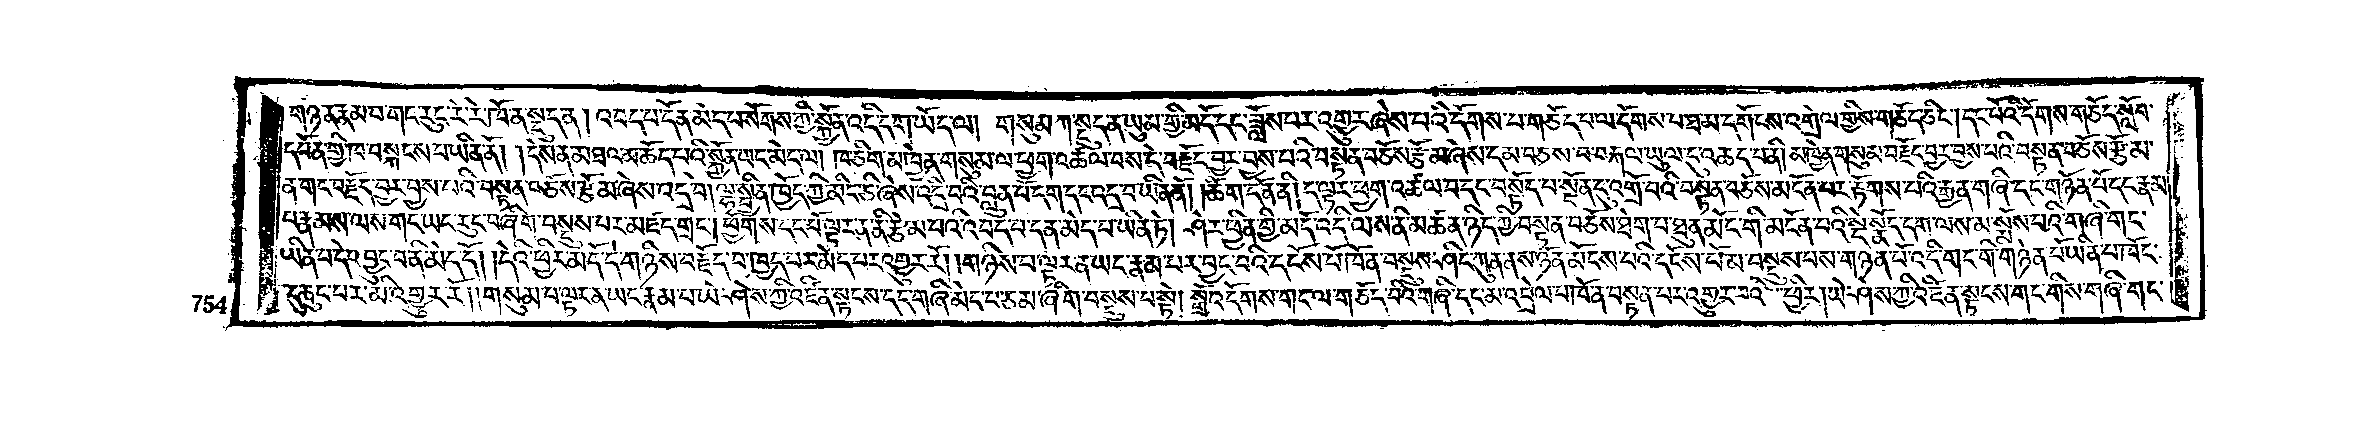གཉན་རྣམ་པ་གང་རུང་རེ་རེ་ཁོ་ན་སྡུད་ན། འབད་པ་དོན་མེད་པ་སོགས་ཀྱི་སྐྱོན་འདི་དག་ཡོད་ལ། གསུམ་ཀ་སྡུད་ན་ཡུམ་གྱི་མདོ་དང་ཟློས་པར་འགྱུར་ཞེས་པའི་དོགས་པ་གཅོད་པ་ལ་དོགས་པ་ཐ་མ་དགོངས་འགྲེལ་གྱིས་གཅོད་ཅིང་། དང་པོའི་དོགས་གཅོད་སློབ་
དཔོན་གྱི་ཁ་བསྐངས་པ་ཡིན་ནོ། །དེས་ན་མཐའ་མཆོད་པའི་སྐྱོན་ཡང་མེད་ལ། ཁ་ཅིག་མཁྱེན་གསུམ་ལ་ཕྱག་འཚལ་བས་དེ་བརྗོད་བྱར་བྱས་པའི་བསྟན་བཅོས་རྩོམ་ཞེས་དམ་བཅས་པ་བརྐལ་ཡུལ་དུ་འཆད་པ་ནི། མཁྱེན་གསུམ་བརྗོད་བྱར་བྱས་པའི་བསྟན་བཅོས་རྩོམ་
ན་གང་བརྗོད་བྱར་བྱས་པའི་བསྟན་བཅོས་རྩོམ་ཞེས་འདྲ་བ། ལྷ་སྦྱིན་ཁྱོད་ཀྱི་མིང་ཅི་ཞེས་འདྲི་བའི་བླུན་པོ་དག་དང་འདྲ་བ་ཡིན་ནོ། །ཚིག་དོན་ནི། དེ་ལྟར་ཕྱག་འཚལ་བ་དང་བསྟོད་པ་སྔོན་དུ་འགྲོ་བའི་བསྟན་བཅོས་མངོན་པར་རྟོགས་པའི་རྒྱན་གཞི་དང་གཉེན་པོ་དང་རྣམ་
པ་རྣམས་ལས་གང་ཡང་རུང་བ་ཞིག་བསྡུས་པར་མཛད་གྲང་། ཕྱོགས་དང་པོ་ལྟར་ན་ནི་རྩེམ་པའི་འབད་པ་དོན་མེད་པ་ཡིན་ཏེ། ཤེར་ཕྱིན་གྱི་མདོ་འདི་ལས་ནི་མཚན་ཉིད་ཀྱི་བསྟན་བཅོས་ཐེག་པ་ཐུན་མོང་གི་མངོན་པའི་སྡེ་སྣོད་དག་ལས་མ་སྨོས་པའི་གཞི་གང་
ཡིན་པ་དེ་འབྱུང་བ་ནི་མེད་དོ། །དེའི་ཕྱིར་མདོ་དེ་གཉིས་བརྗོད་བྱ་ཁྱད་པར་མེད་པར་འགྱུར་རོ། །གཉིས་པ་ལྟར་ན་ཡང་རྣམ་པར་བྱང་བའི་དངོས་པོ་ཁོ་ན་བསྡུས་ཤིང་ཀུན་ནས་ཉོན་མོངས་པའི་དངོས་པོ་མ་བསྡུས་པས་གཉན་པོ་འདི་གང་གི་གཉེན་པོ་ཡིན་པ་ཁོང་
དུ་ཆུད་པར་མི་འགྱུར་རོ། །གསུམ་པ་ལྟར་ན་ཡང་རྣམ་པ་ཡེ་ཤེས་ཀྱི་འཛིན་སྟངས་དད་གཞི་མེད་པ་ཙམ་ཞིག་བསྡུས་པ་སྟེ། སྒྲོ་འདོགས་གང་ལ་གཅོད་པའི་གཞི་དང་མ་འབྲེལ་བ་ཁོ་ན་བསྟན་པར་འགྱུར་བའི་ཕྱིར། ཡེ་ཤེས་ཀྱི་འཛིན་སྟངས་གང་གིས་གཞི་གང་